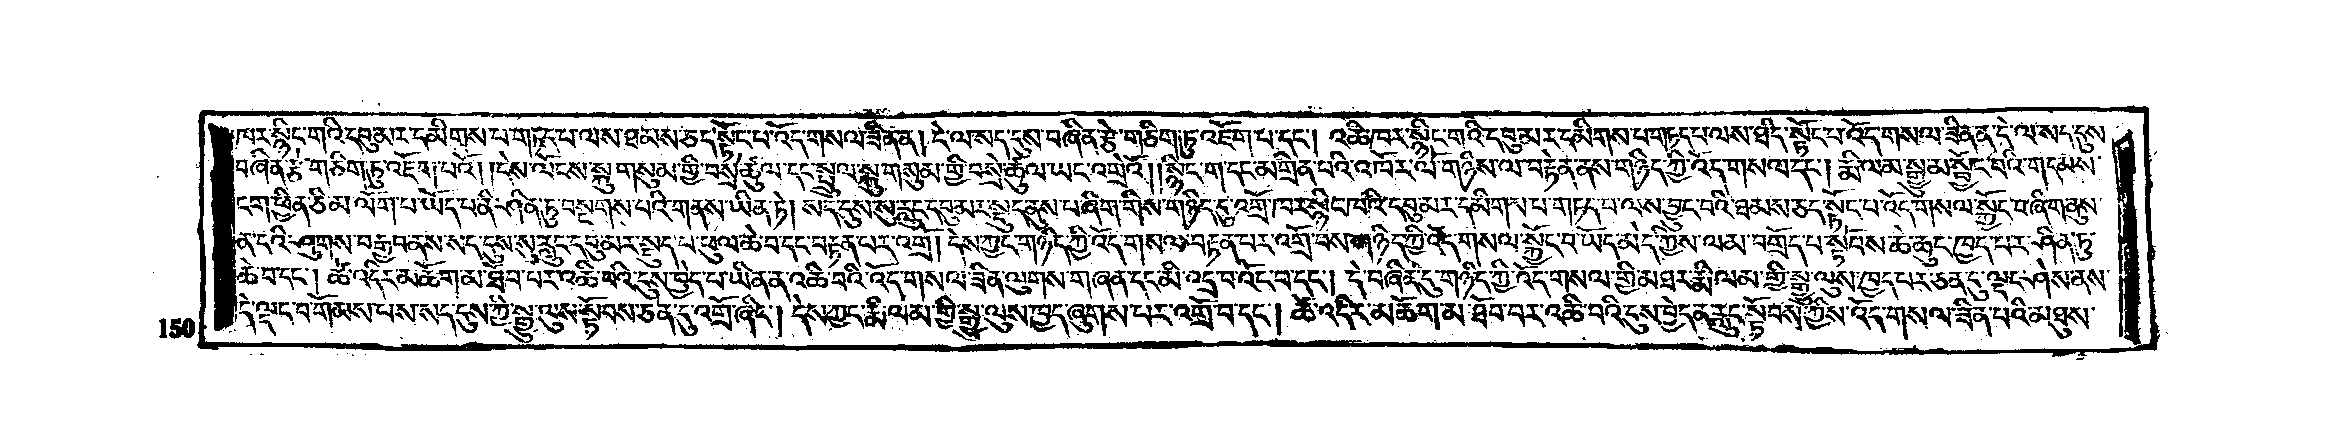ཁར་སྙིང་གའི་དབུ་མར་དམིགས་པ་གཏད་པ་ལས་ཐམས་ཅད་སྟོང་པ་འོད་གསལ་ཟིན་ན། དེ་ལ་སད་དུས་བཞིན་རྩེ་གཅིག་ཏུ་འཇོག་པ་དང་། འཆི་ཁར་སྙིང་གའི་དབུ་མར་དམིགས་པ་གཏད་པ་ལས་ཐམས་ཅད་སྟོང་པ་འོད་གསལ་ཟིན་ན་དེ་ལ་སད་དུས་
བཞིན་རྩེ་གཅིག་ཏུ་འཇོག་པའོ། །དེས་ལོངས་སྐུ་གསུམ་གྱི་བསྲེ་ཚུལ་དང་སྤྲུལ་སྐུ་གསུམ་གྱི་བསྲེ་ཚུལ་ཡང་འགྲེའོ། །སྙིང་ག་དང་མགྲིན་པའི་འཁོར་ལོ་གཉིས་ལ་བརྟེན་ནས་གཉིད་ཀྱི་འོད་གསལ་དང་། རྨི་ལམ་སྒྱུ་མ་སྦྱོང་བའི་གདམས་
ངག་ཕྱིན་ཅི་མ་ལོག་པ་ཡོད་པ་ནི་ཤིན་ཏུ་བསྔགས་པའི་གནས་ཡིན་ཏེ། སད་དུས་སུ་རླུང་དབུ་མར་སྡུད་ནུས་པ་ཞིག་གིས་གཉིད་དུ་འགྲོ་ཁར་སྙིང་ཁའི་དབུ་མར་དམིགས་པ་གཏད་པ་ལས་བྱུང་བའི་ཐམས་ཅད་སྟོང་པ་འོད་གསལ་སྐྱོང་བ་ཞིག་ནུས་
ན་དེའི་ཤུགས་བརྒྱབ་ནས་སད་དུས་སུ་རླུང་དབུ་མར་སྡུད་པ་ཕུལ་ཆེ་བ་དང་བརྟན་པར་འགྲོ། དེས་ཀྱང་གཉིད་ཀྱི་འོད་གསལ་བརྟན་པར་འགྲོ་བས་གཉིད་ཀྱི་འོད་གསལ་སྐྱོང་བ་ཡོད་མེད་ཀྱིས་ལམ་བགྲོད་པ་སྟོབས་ཆེ་ཆུང་ཁྱད་པར་ཤིན་ཏུ་
ཆེ་བ་དང་། ཚེ་འདིར་མཆོག་མ་ཐོབ་པར་འཆི་བའི་དུས་བྱེད་པ་ཡིན་ན་འཆི་བའི་འོད་གསལ་ཟིན་ལུགས་གཞན་དང་མི་འདྲ་བ་འོང་བ་དང་། དེ་བཞིན་དུ་གཉིད་ཀྱི་འོད་གསལ་གྱི་མཐར་རྨི་ལམ་གྱི་སྒྱུ་ལུས་ཁྱད་པར་ཅན་དུ་ལྡང་ཤེས་ནས་
དེ་ལྡང་བ་གོམས་པས་སད་དུས་ཀྱི་སྒྱུ་ལུས་སྟོབས་ཅན་དུ་འགྲོ་ཞིང་། དེས་ཀྱང་རྨི་ལམ་གྱི་སྒྱུ་ལུས་ཁྱད་ཞུགས་པར་འགྲོ་བ་དང་། ཚེ་འདིར་མཆོག་མ་ཐོབ་པར་འཆི་བའི་དུས་བྱེད་ན་རླུང་སྟོབས་ཀྱིས་འོད་གསལ་ཟིན་པའི་མཐུས་